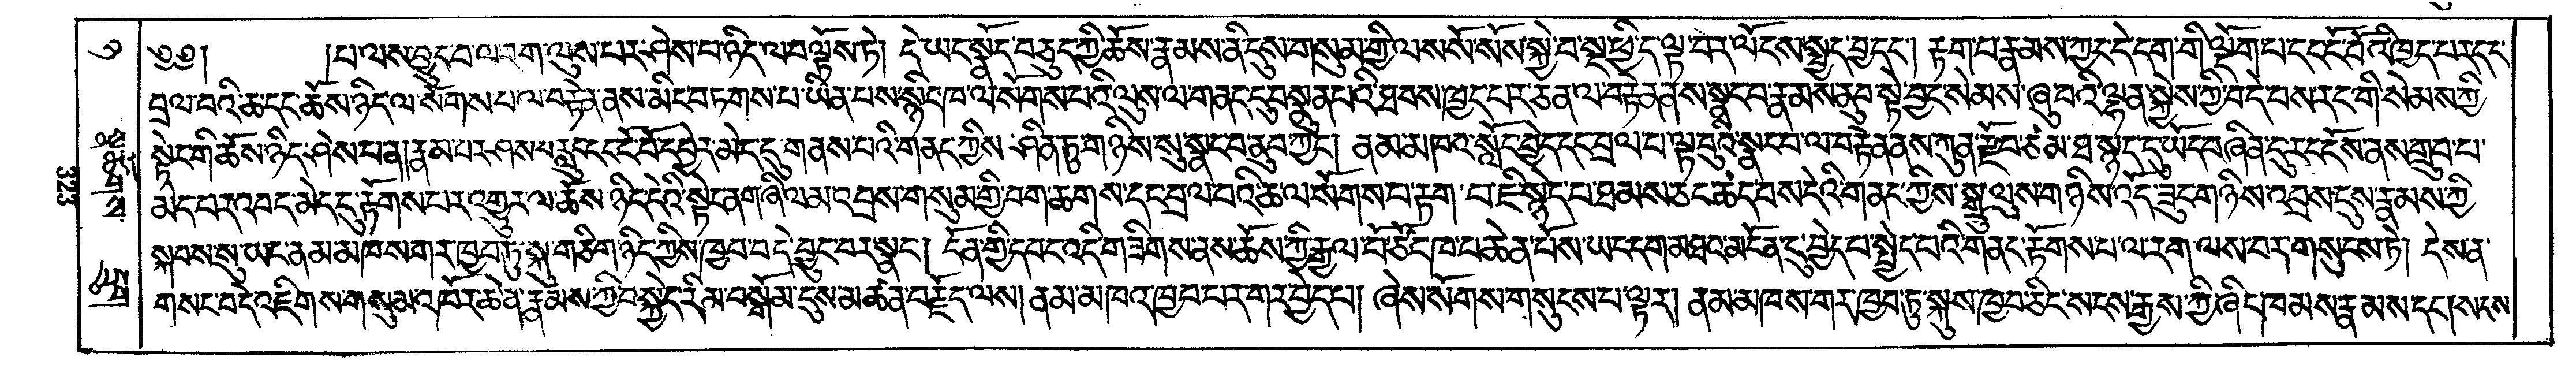༄༅། །པ་ལས་བྱུང་བ་ལ་རག་ལུས་བར་ཤེས་པ་ཉིད་ལ་བལྟོས་ཏེ། དེ་ཡང་སྣོད་བཅུད་ཀྱི་ཆོས་རྣམས་ནི་དུས་གསུམ་གྱི་ལས་སོ་སོས་སྐྱེ་བ་སྔ་ཕྱི་ད་ལྟ་བར་ལོངས་སྤྱད་བྱ་དང་། རྟག་བ་རྣམས་ཀྱང་དེ་དག་གི་ལྡོག་པ་དང་ངོ་བོའི་ཁྱད་པར་དང་
བྲལ་བའི་ཆ་དང་ཆོས་ཉིད་ལ་སོགས་པ་ལ་བརྟེན་ནས་མིང་བཏགས་པ་ཡིན་པས་སྙིང་ཁ་ལ་སོགས་པའི་ལུས་ལ་གནང་དུ་བསྣུན་པའི་ཐབས་ཁྱད་པར་ཅན་ལ་བརྟེན་ནས་སྣང་བ་རྣམས་ནུབ་སྟེ་སེམས་ཞུ་བའི་ལྷན་སྐྱེས་ཀྱི་བདེ་བས་རང་གི་སེམས་ཀྱི་
སྟེང་གི་ཆོས་ཉིད་ཤེས་པ་ན། རྣམ་པར་ཤེས་པ་རླུང་དང་ངོ་བོ་དབྱེར་མེད་དུ་གནས་པའི་གནད་ཀྱིས་ཤིན་ཏུ་གཉིས་སུ་སྣང་བ་ནུབ་ཀྱང་། ནམ་མཁའ་སློང་བྱེད་དང་བྲལ་བ་ལྟ་བུའི་སྣང་བ་ལ་བརྟེན་ནས་ཀུན་རྫོབ་ཙམ་ཐ་སྙད་དུ་ཡོད་བཞིན་དུ་རང་ངོས་ནས་གྲུབ་པ་
མེད་པར་འབང་མེད་དུ་རྟོགས་པར་འགྱུར་ལ་ཆོས་ཉིད་དེའི་སྟེང་ན་གཞི་ལམ་འབྲས་གསུམ་གྱི་བག་ཆགས་དང་བྲལ་བའི་ཆ་ལ་སོགས་པ་རྟག་པ་ཇི་སྙེད་པ་ཐམས་ཅད་ཚང་བས་དེའི་གནད་ཀྱིས་སྒྱུ་ལུས་གཉིས་འོད་ཟུང་གཉིས་འབྲས་དུས་རྣམས་ཀྱི་
སྐབས་སུ་ཡང་ན་མ་མཁས་གར་ཁྱབ་ཏུ་སྐུ་གཅིག་ཉིད་ཀྱིས་ཁྱབ་པ་དེ་བྱུང་བར་སྣང་། དོན་གྱི་དབང་འདི་གཟིགས་ནས་ཆོས་ཀྱི་རྒྱལ་པོ་ཙོང་ཁ་པ་ཆེན་པོས་ཡང་དག་མཐའ་མངོན་དུ་བྱེད་པ་སྤྱོད་པའི་གནོད་རྟོགས་པ་ལ་རག་ལས་རང་གསུངས་ཏེ། དེས་ན་
གསང་བདེ་འཇིགས་གསུམ་འཁོར་ཆེན་རྣམས་ཀྱི་བསྐྱེད་རིམ་བསྒོམ་དུས་མཚན་བརྗོད་ལས། ནམ་མཁའ་ཁྱབ་པར་གར་བྱེད་པ། ཞེས་སོགས་གསུངས་པ་ལྟར། ནམ་མཁས་གར་ཁྱབ་ཏུ་སྐུས་ཁྱབ་ཅིང་སངས་རྒྱས་ཀྱི་ཞིང་ཁམས་རྣམས་དང་། སངས་